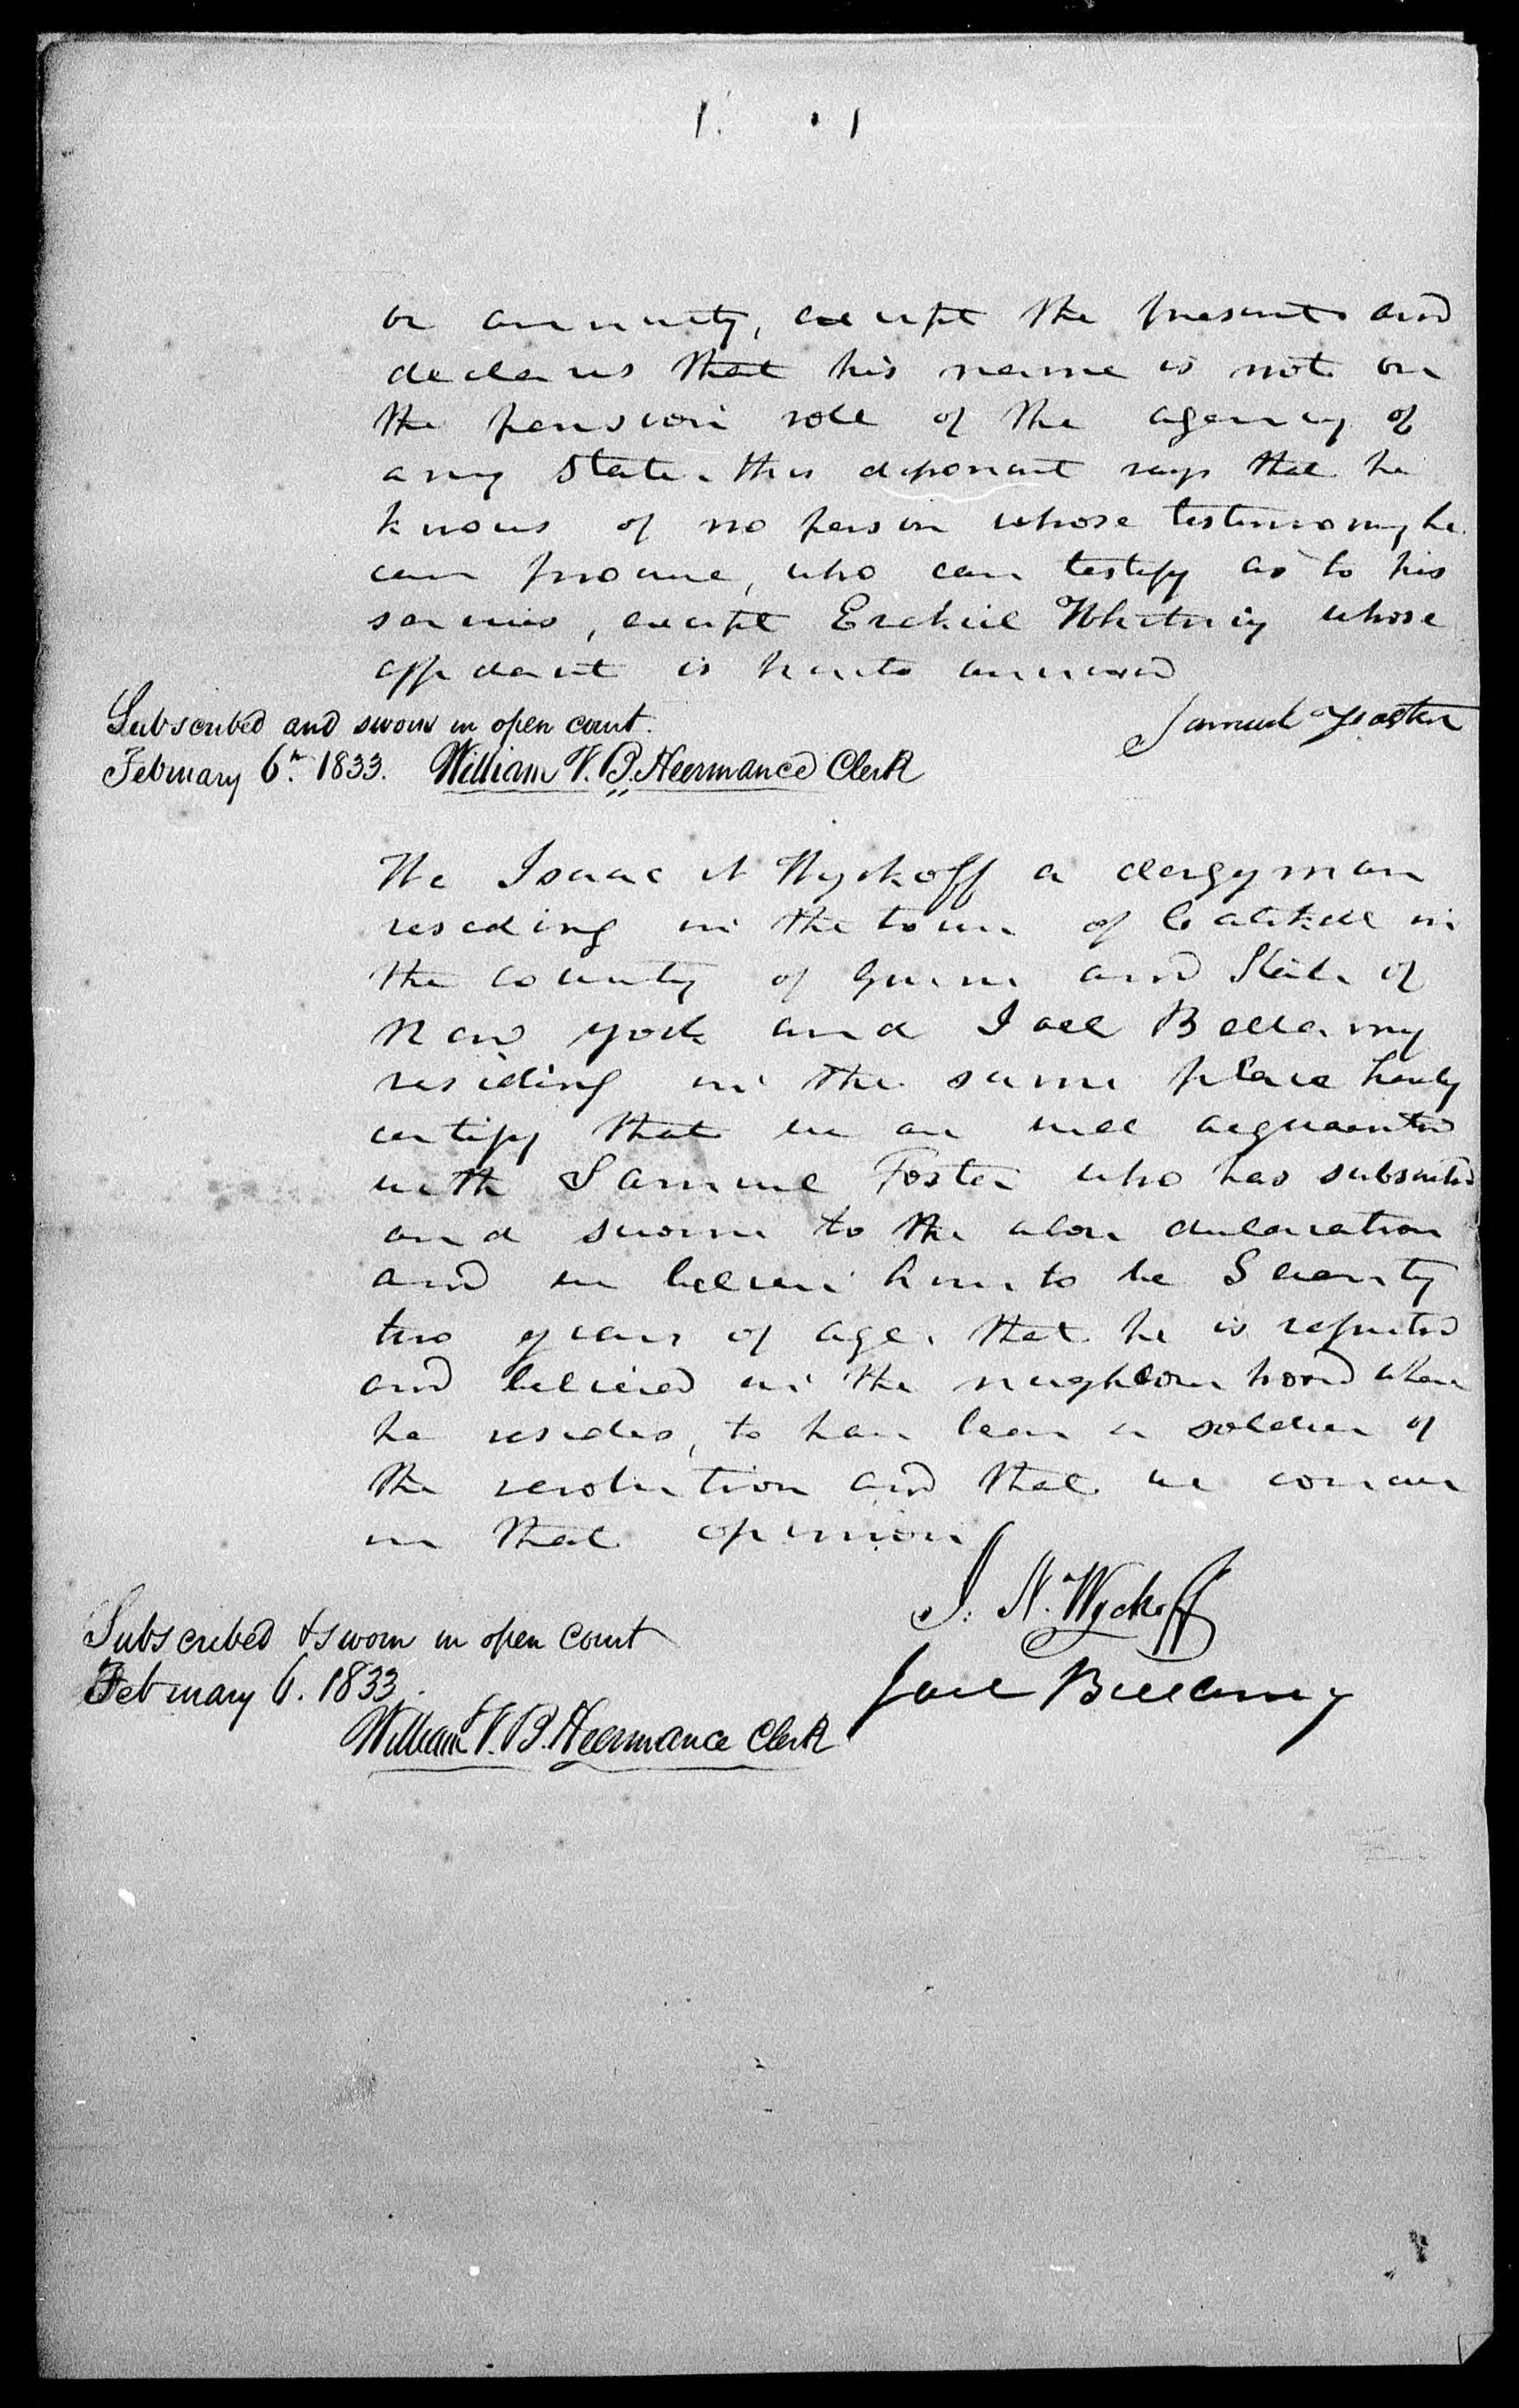or annuity [illegible] the present and declares that his name is not on the pension roll of the agency of any state. this deponent says that he knows of no person whose testimony he can procure, who can testify as to his services, except 
Erckiel Whitney whose affidavit is [illegible]
[signed] Samuel Foster.
Subscribed and sworn in open court
February 6th 1833. 
[signed] William V. B. Heermance 
We Issaac Wyckoff a clergyman residing in the town of Catskill in the county of Green and State of New York and Joel Bellamy residing in the same place hereby certify that we are well acquainted with Samuel Foster who has subscribed and sworn to the above declaration and we believe him to be Seventy two years of age. that he is reputed and believed to have been a soldier of the revolution and that we concur in that opinion
[signed] J. N. Wyckoff
[signed] Joel Bellamy
Subscribed and sworn in open court
February 6. 1833. 
[signed] William V. B. Heermance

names: William V B Heermance, J N Wyckoff, Isaac N Wyckoff, Samuel Foster, Ezekiel Whitiney, William V B Heermance, Samuel Foster, Joel Bellamy, Joel Bellamy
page: 8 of 54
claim: survivor's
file: S. 13,043, Samuel Foster, Conn.